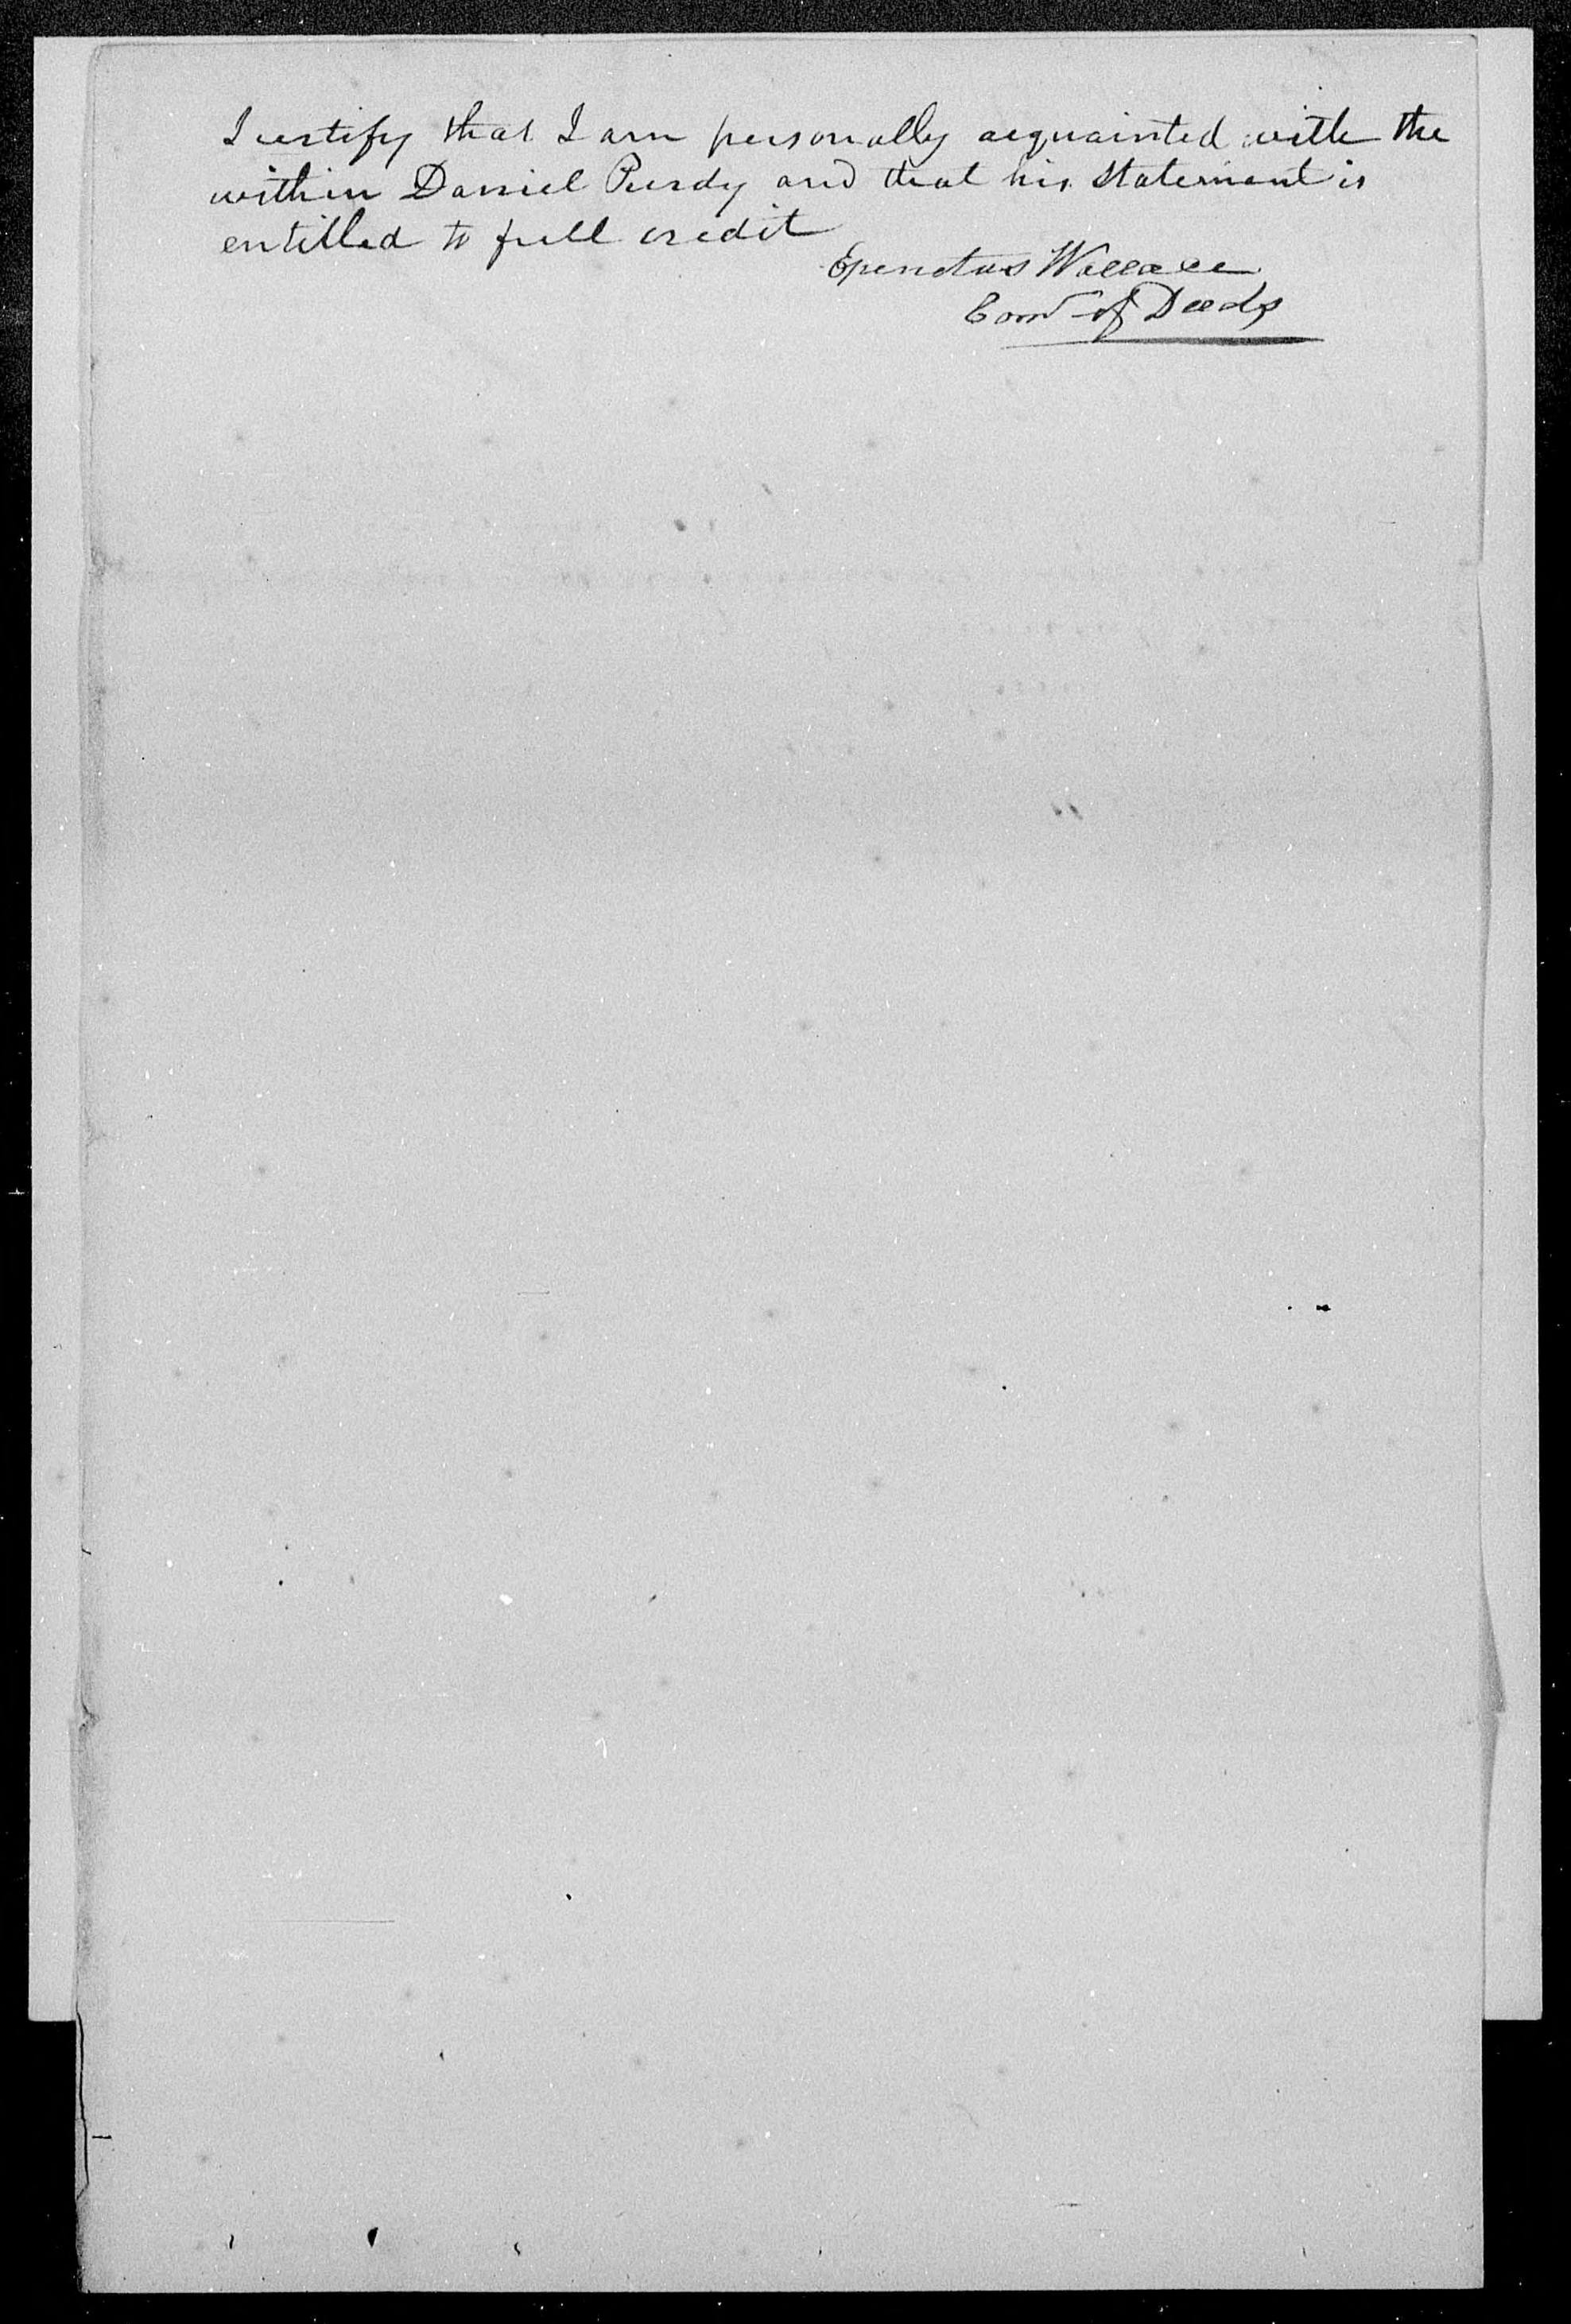I certify that I am personally acquainted with the within Daniel Purdy and that his statement is entitled to full credit
Epenetus Wallace.
Comr of Deeds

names: Daniel Purdy, Epenetus Wallace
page: 23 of 29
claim: widow's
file: W. 17720, Arnold Dickens, New York